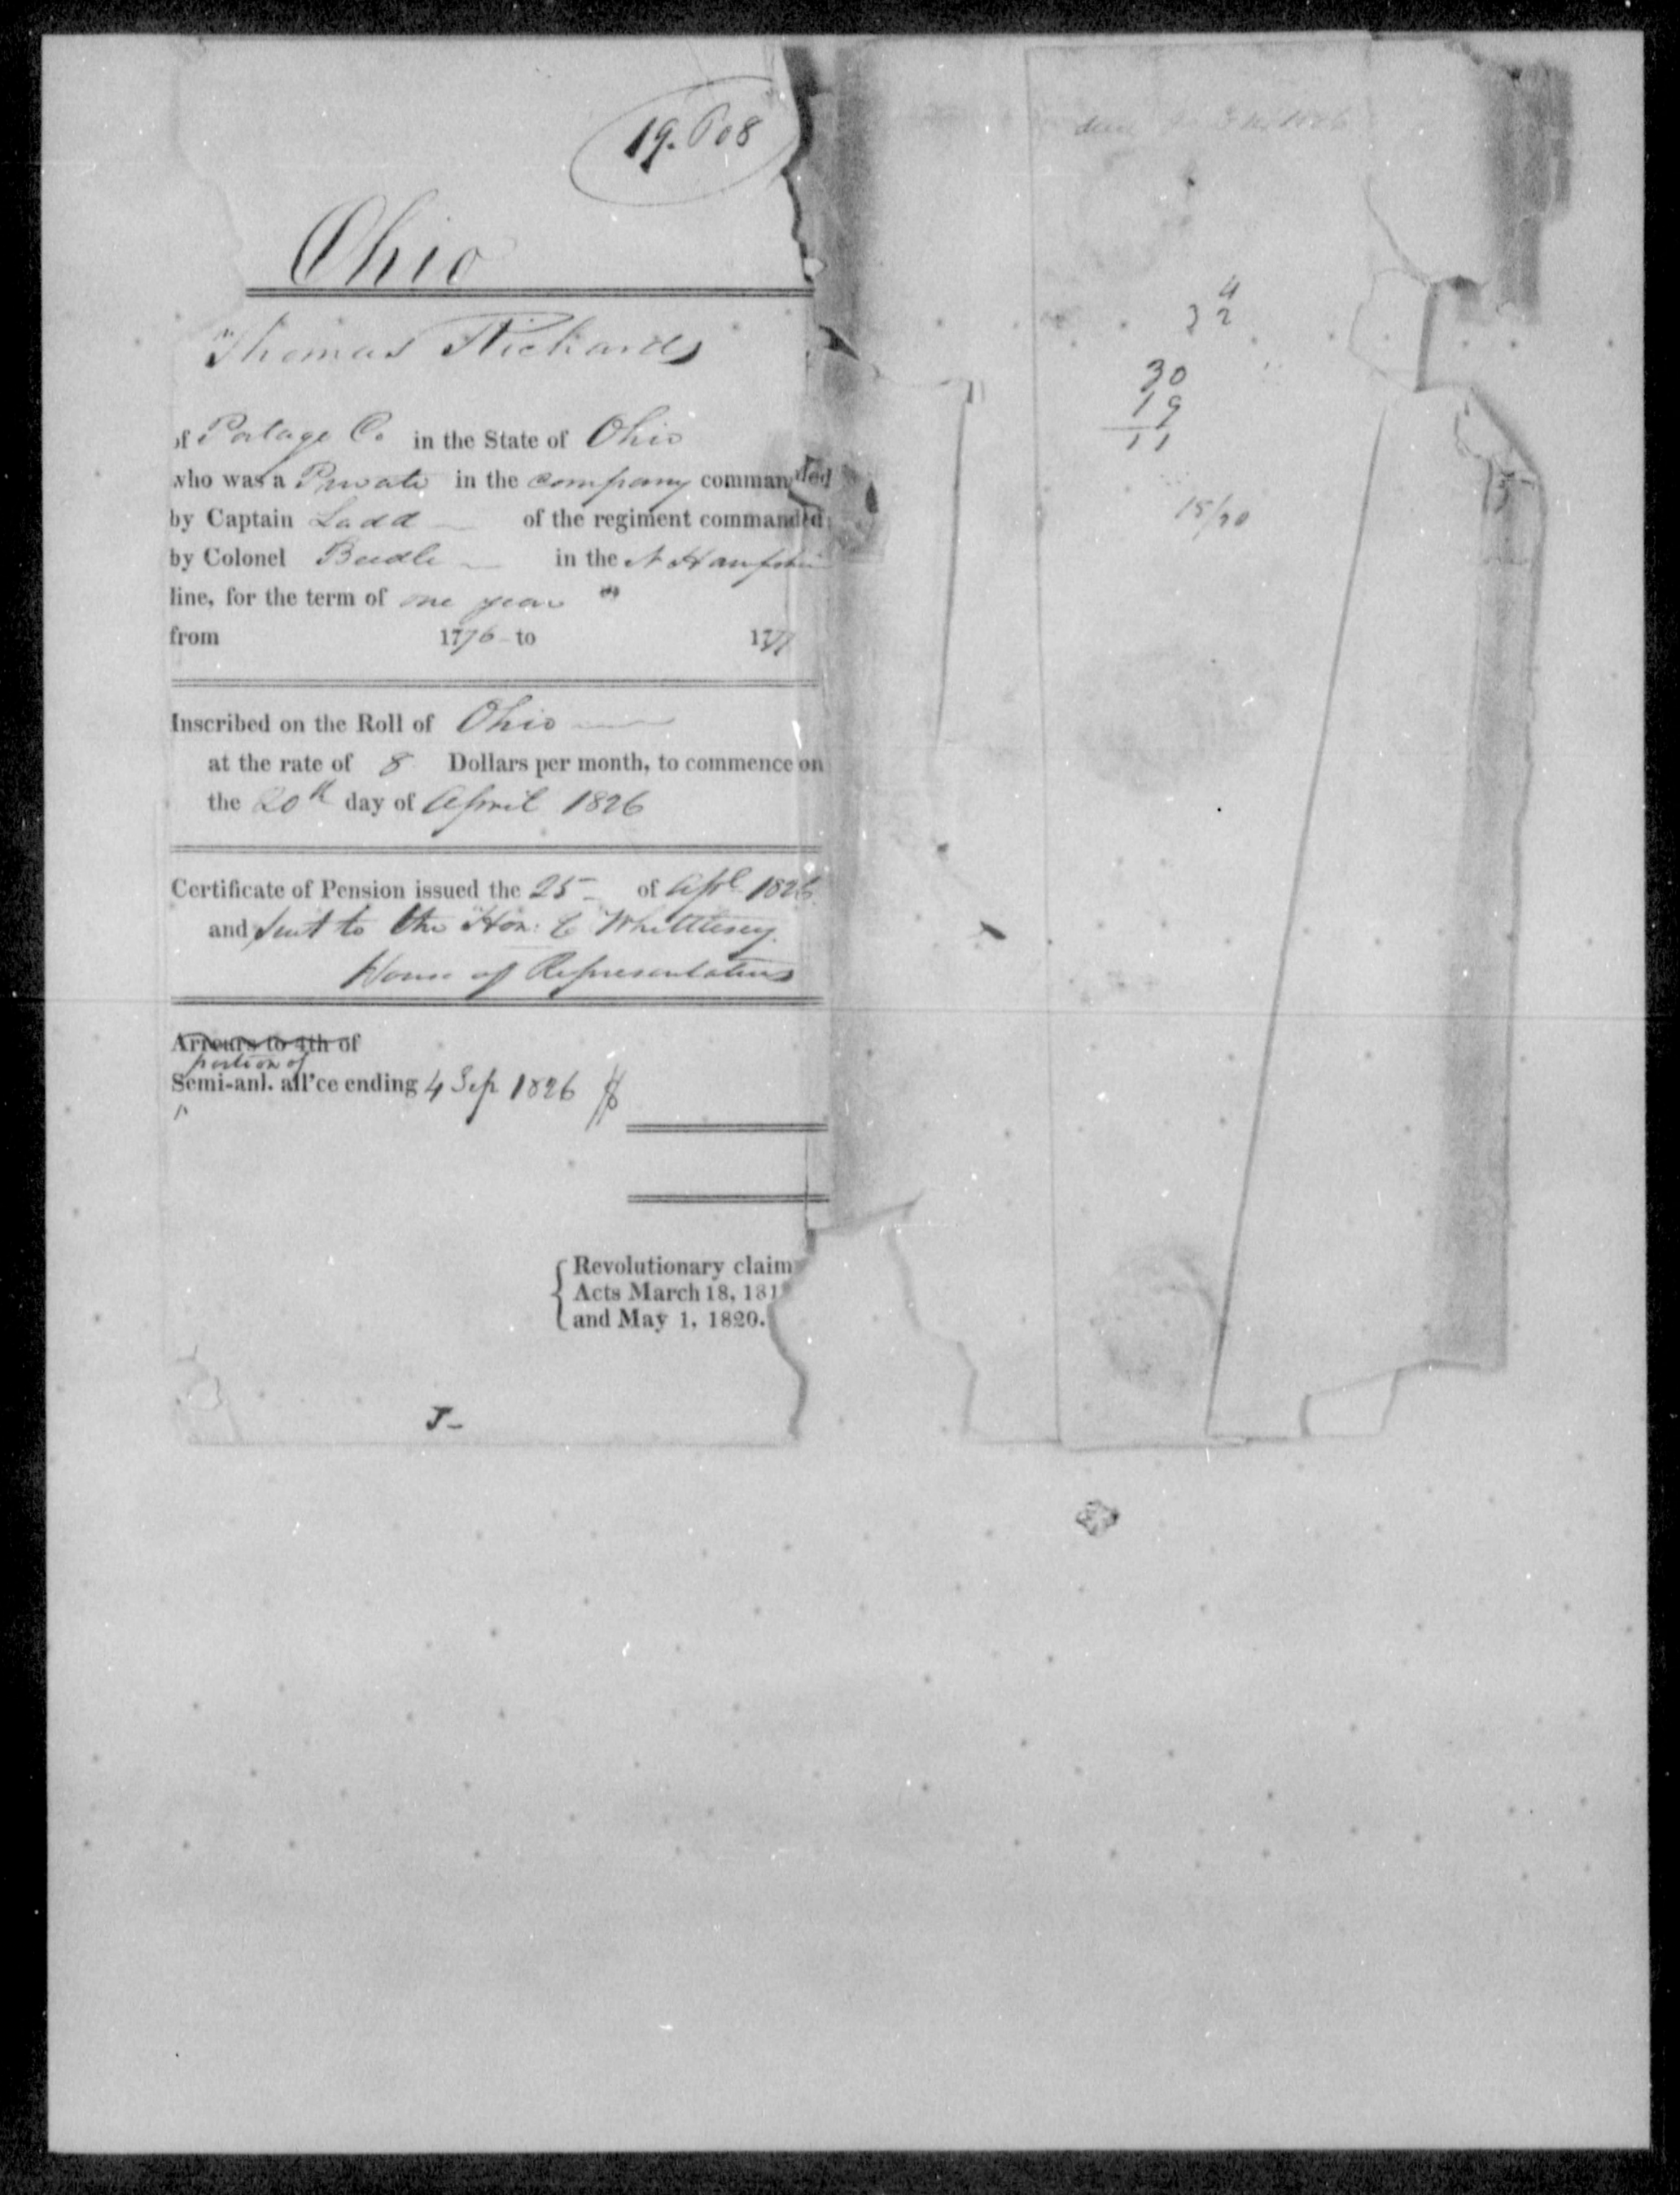19.608
Ohio
Thomas Richards of Portage Co [COUNTY] in the State of Ohio who was a Private in the company commanded by Captain Ladd of the regiment commanded by Colonel Beedle in the N. [NEW] Hampshire line, for the term of one year from 1776 to 1777
Inscribed on the Roll of Ohio at the rate of 8 Dollars per month, to commence on the 20th day of April 1826
Certificate of Pension issued the 25- of April 1826. and sent to the Hon. [HONORABLE] C. Whittlesey. House of Representatives
Portion Semi-anl. [ANNUAL] all'ce [ALLOWANCE] ending 4 Sep 1826 $
{Revolutionary claim Acts March 18, 1818 and May 1, 1820.}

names: Thomas Richards; C Whittlesey; [BLANK] Beidle; [BLANK] Ladd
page: 2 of 109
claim: widow's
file: W. 5709, for Thomas Richards, New Hampshire